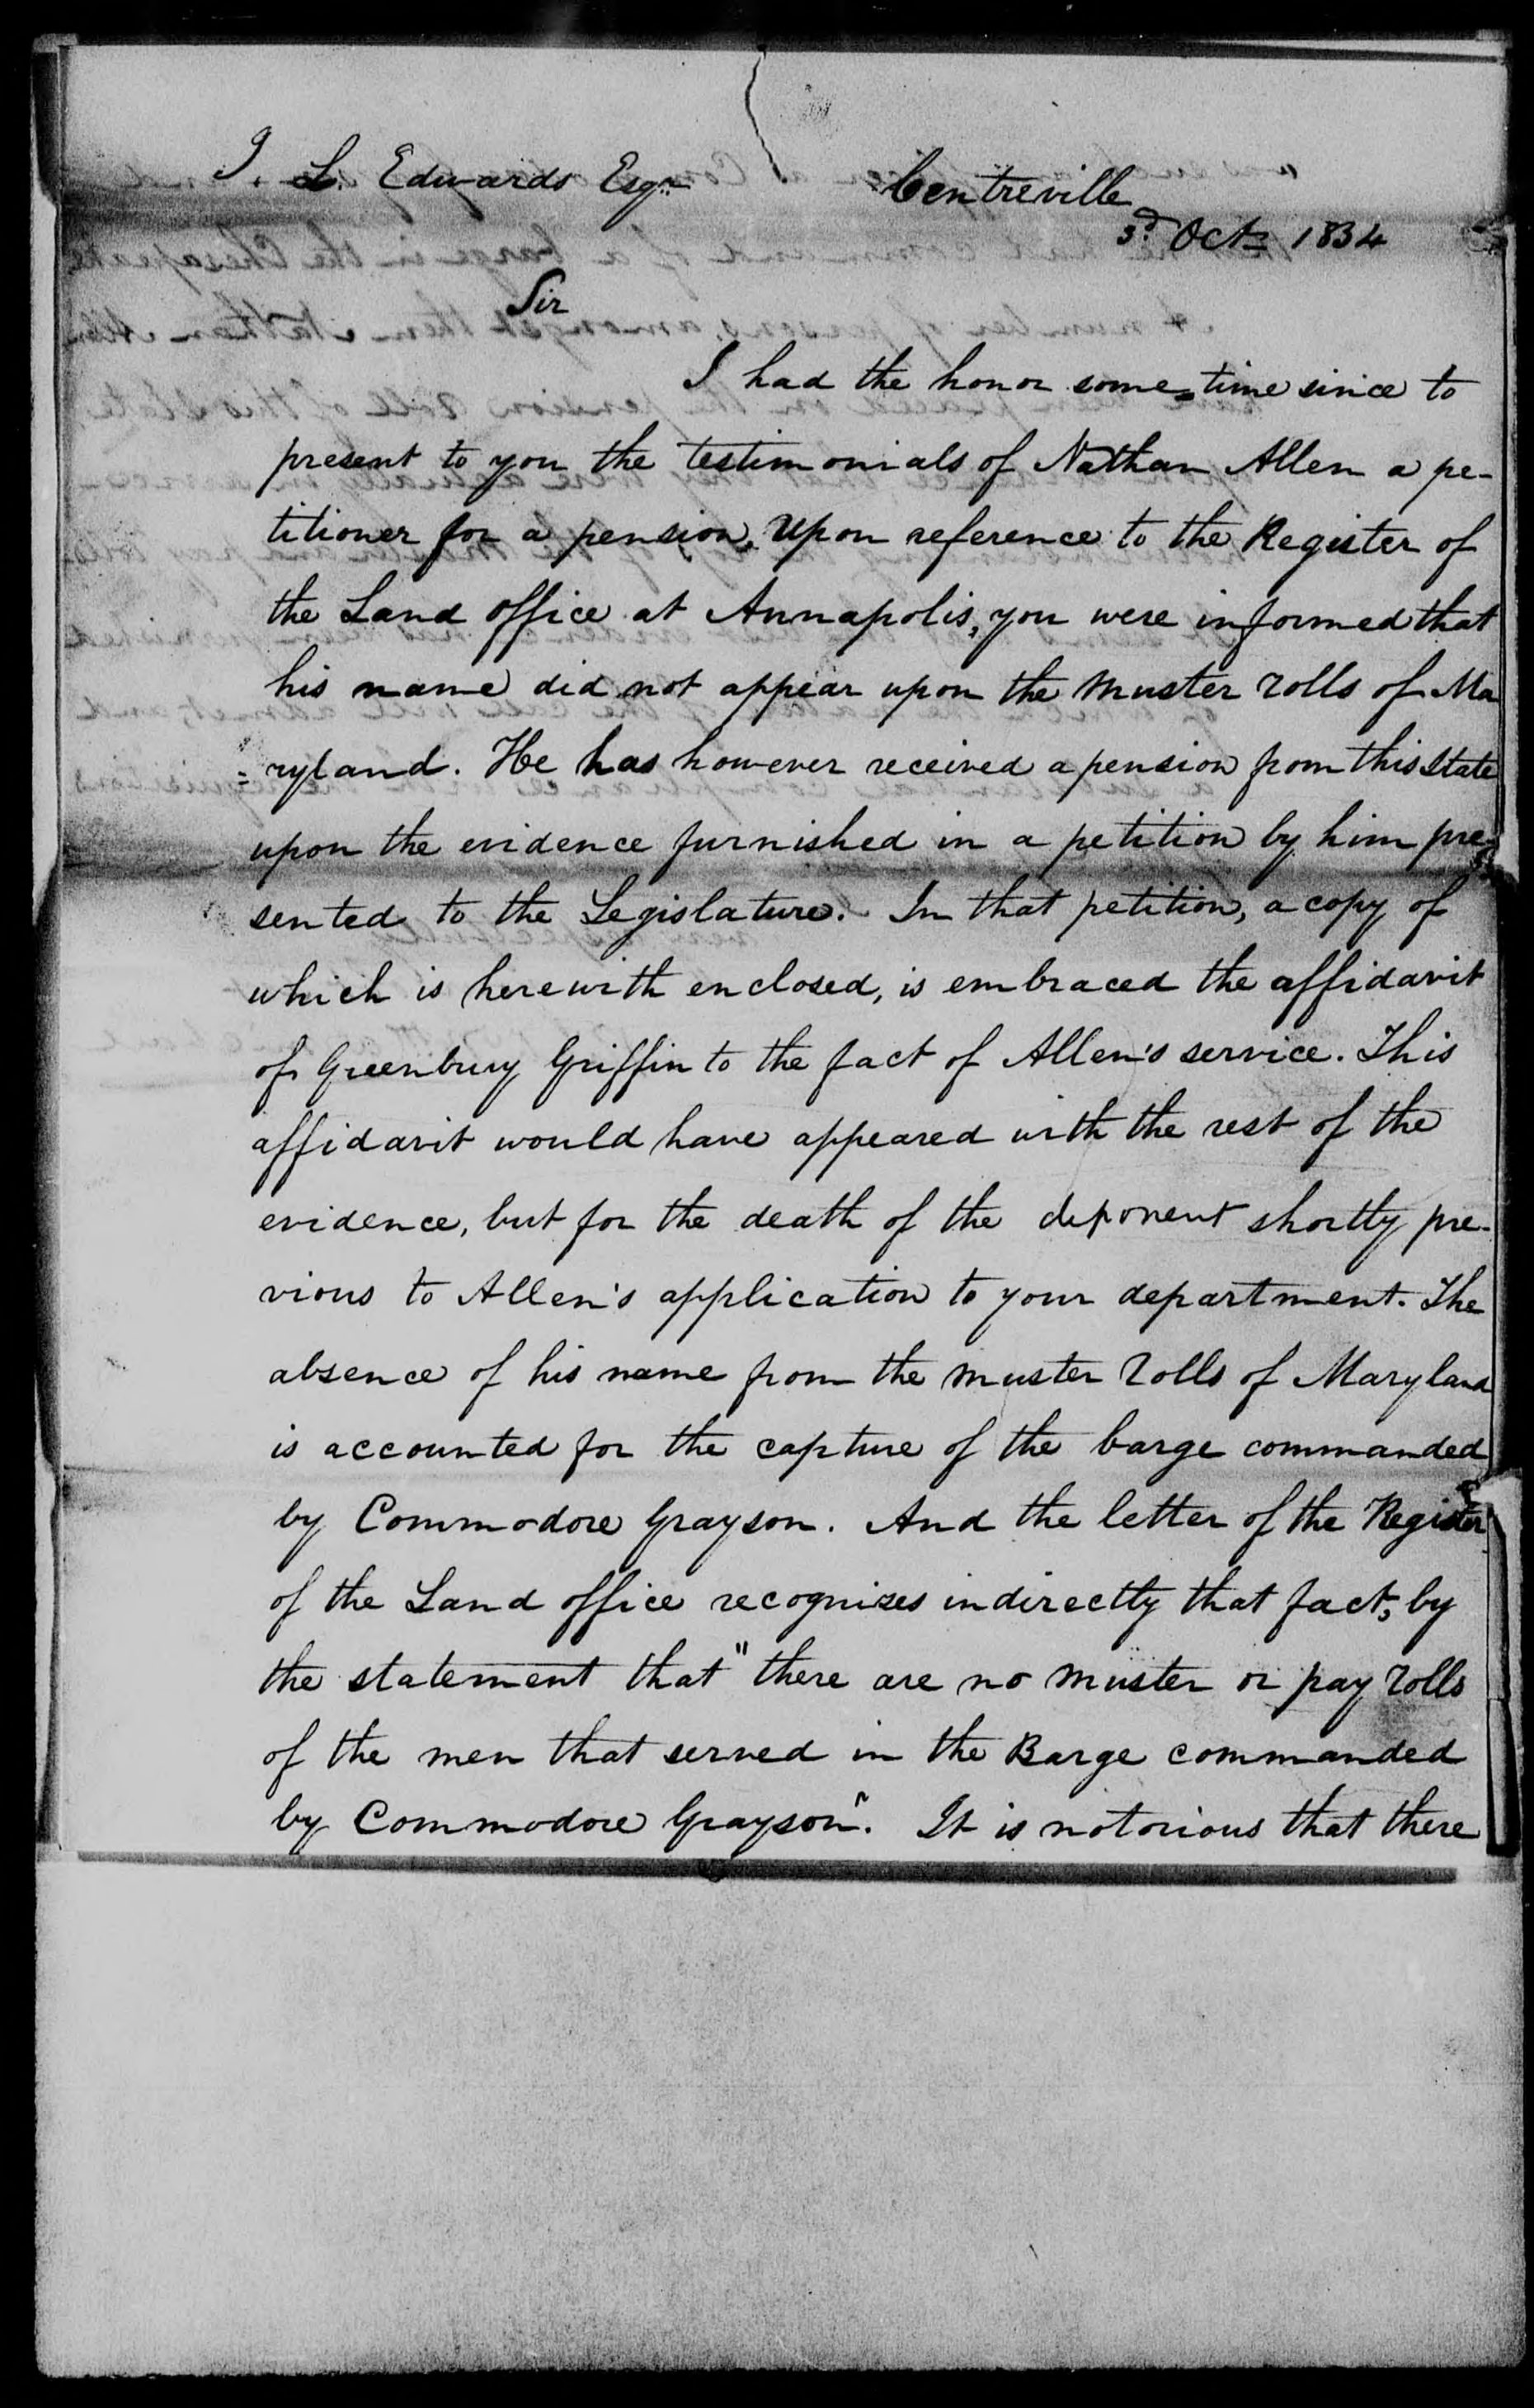J.L. Edwards Esq
Centreville
3rd Oct 1834

Sir

I had the honor some time since to present to you the testimonials of Nathan Allen a petitioner for a pension upon refence to the register of the Land Office at Annapolis, you were informed that his name did not appear upon the muster rolls of Maryland. He has however received a pension from this state upon the evidence furnished in a petition by him presented to the Legislature. In that petition, a copy of which is herewith enclosed, is embraced the affidavit of Greenbury Griffin to the fact of Allen's service. This affidavit would have appeared with the rest of the evidence but for the death of the deponent shortly previous to Allen's application to your department. The absence of his name from the muster rolls of Maryland is accounted for the capture of the barge commanded by Commodore Grayson. And the letter of the Register of the Land Office recognizes indirectly that fact by the statement that "there are no muster or payrolls of the men that served in the barge commanded by Commodore Grayson." It is notorious that there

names: Nathan Allen, Commodore Grayson, J L Edwards, Greenbury Griffin, Commodore Grayson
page: 10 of 14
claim: survivor's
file: S. 8,011, Nathan Allen, Md. And Sea Service